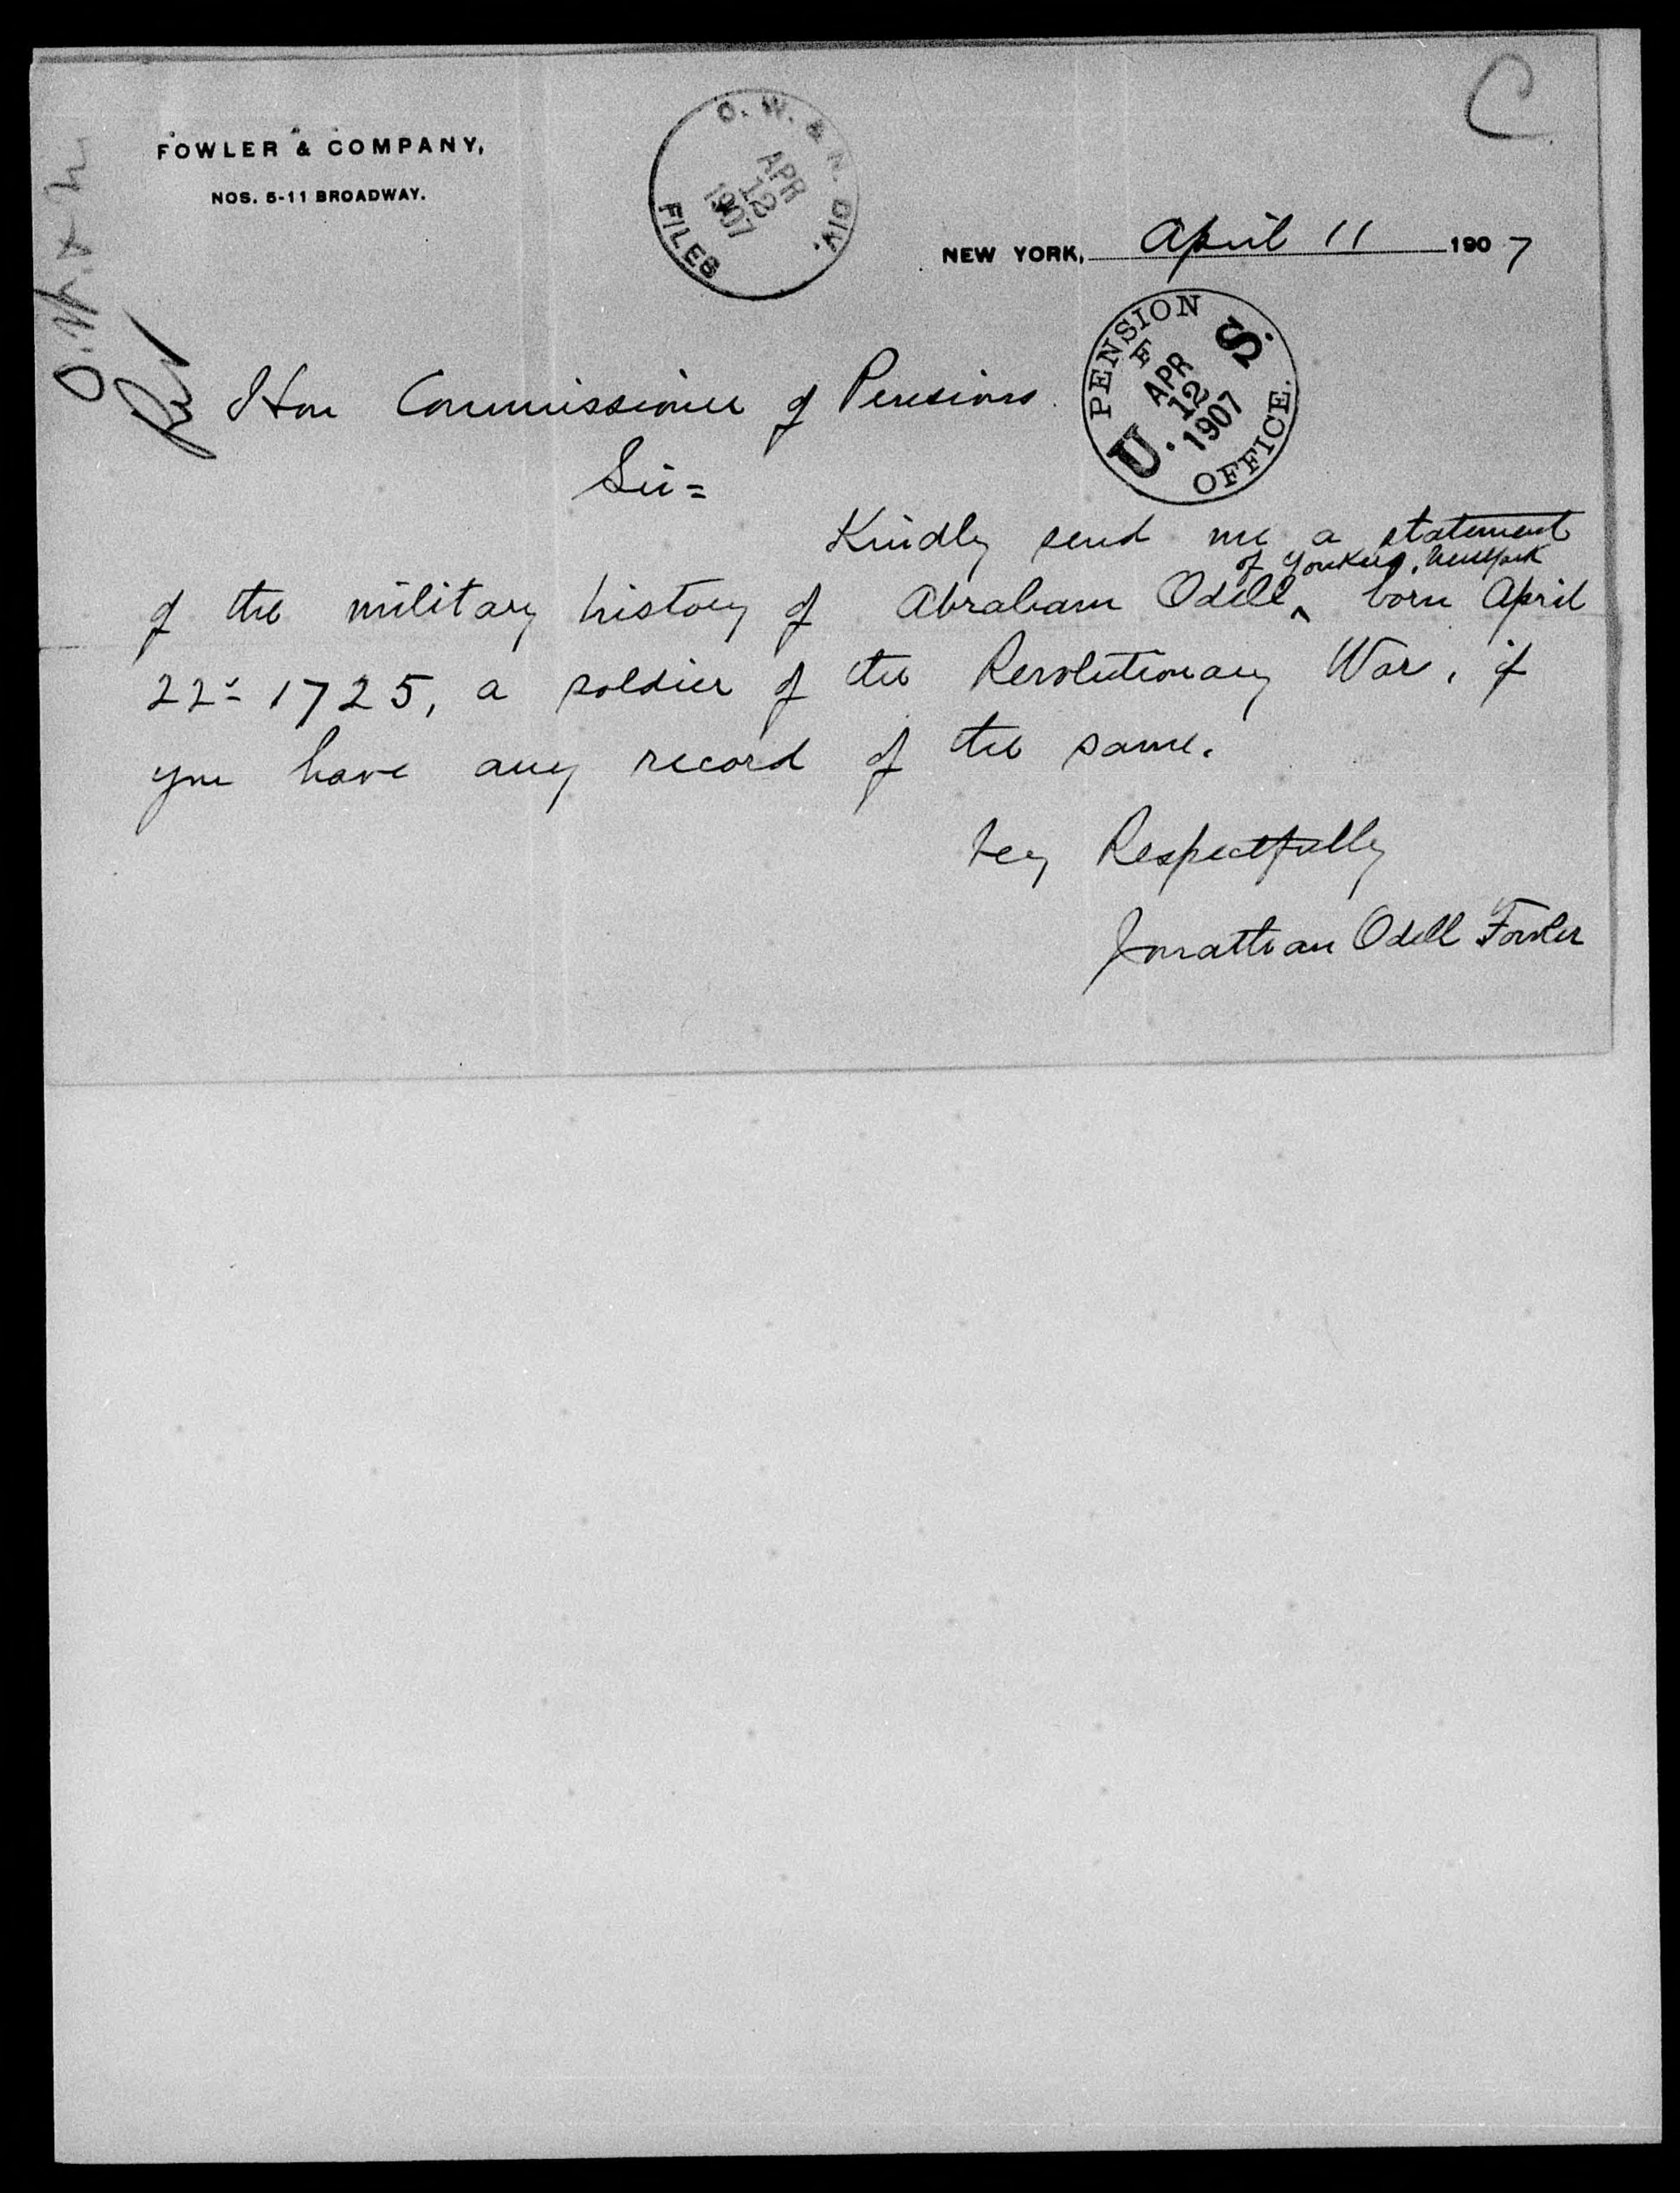[large C in upper right corner of page] 
[O. W & n Rev -- in upper left corner of page] 

FOWLER & COMPANY, NOS. 5-11 Broadway. New York, April 11 1907 
Hon Commissioner of Pensions
Sir: 
Kindly send me a statement of the military history of Abraham Odell [of Yonkers, New York -- inserted] born April 22 = 1725, a soldier of the Revolutionary War, if you have any record of the same. 
Very Respectfully Jonathan Odell Fowler [signature] 

[round stamp in center of top of page] O.W. & N. DIV. APR 12 1907 FILES
[round stamp in upper right of page] PENSION OFFICE U.S. F APR 12 1907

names: Jonathan Odell; Abraham Odell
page: 19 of 19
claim: widow's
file: W. 24363, for Abraham Odell, New York